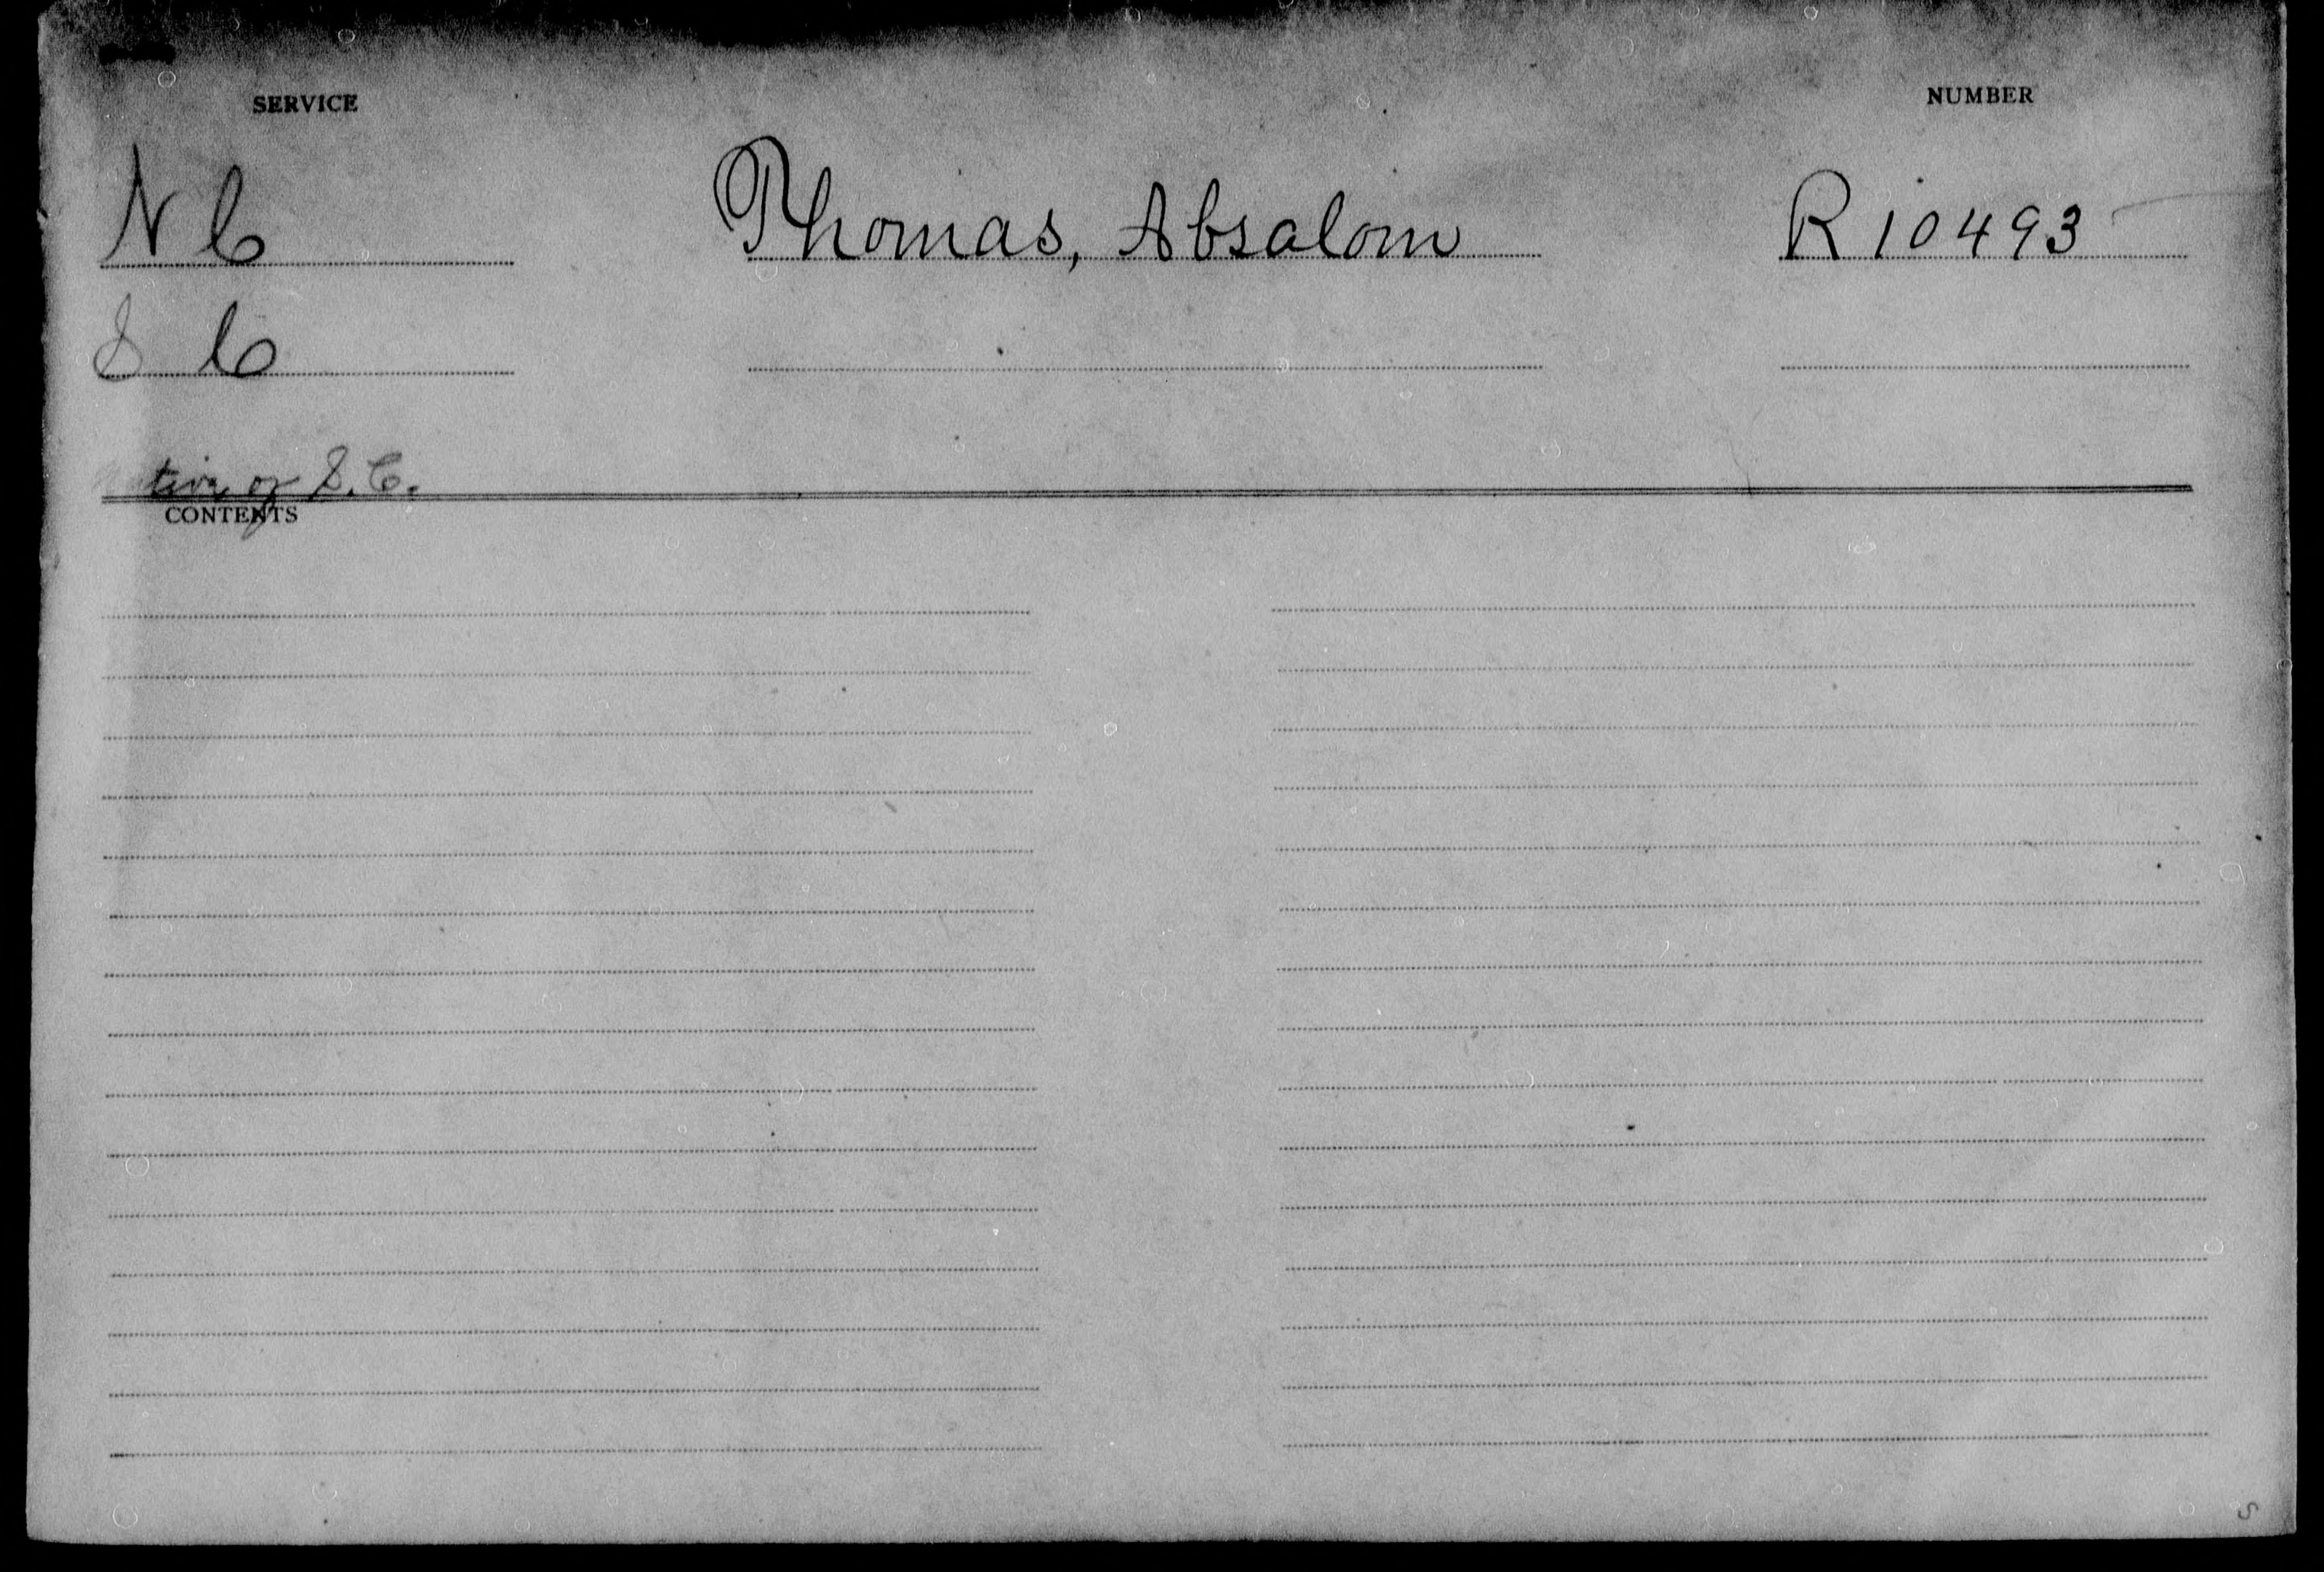SERVICE   NUMBER 
[handwritten] N C Thomas, Absalom R10493
S C _ _
Nation of S.C. [/handwritten]
CONTENTS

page: 1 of 9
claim: rejected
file: R 10493, for Absalom Thomas, North Carolina